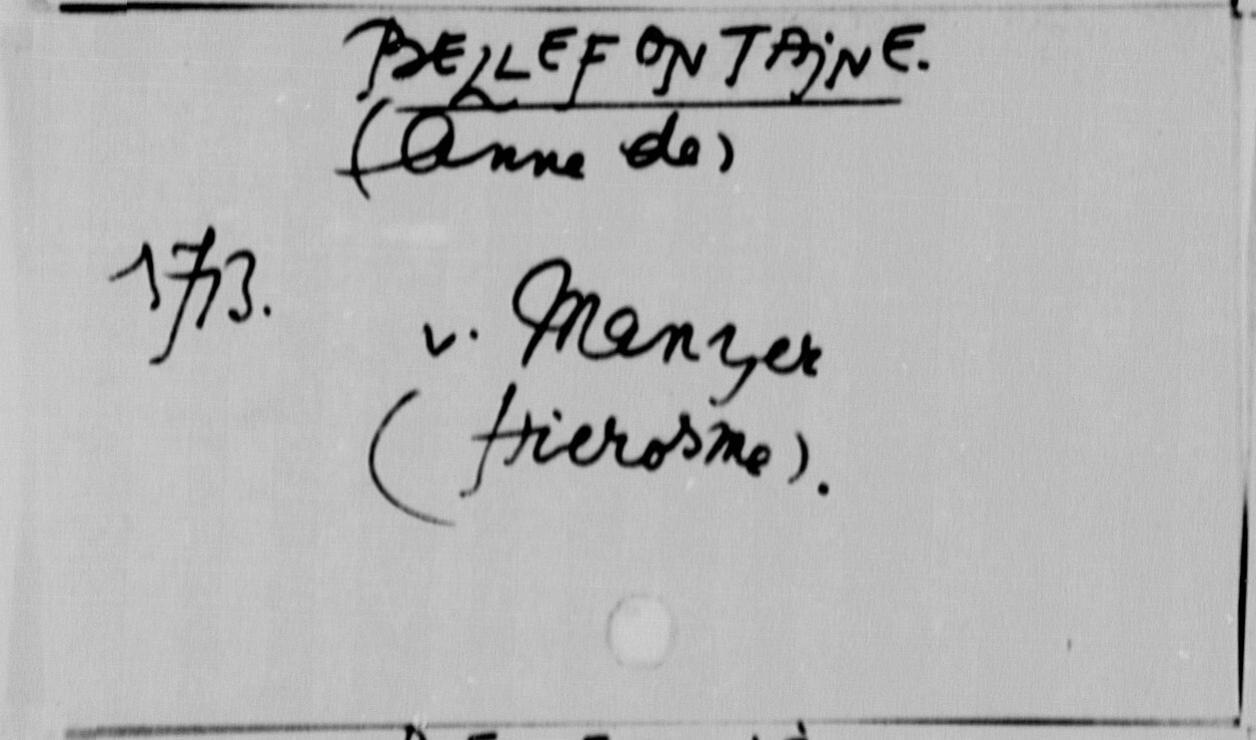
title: BELLEFONTAINE (Anne de)
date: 1713
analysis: Voir Manyer (Hiérosme)
